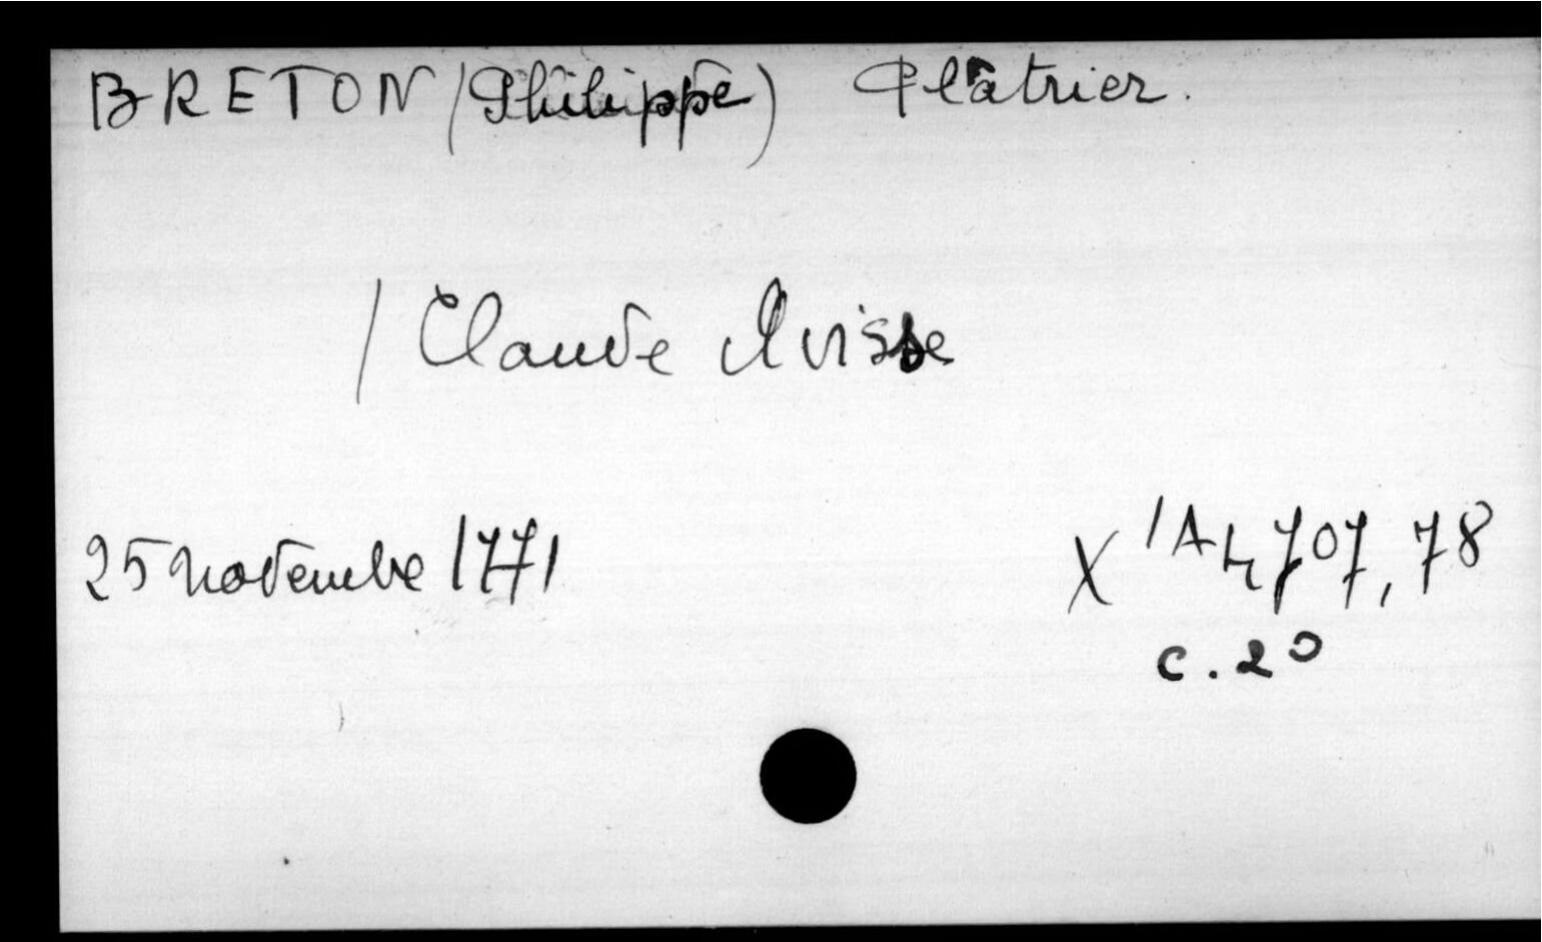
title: BRETON (Philippe) Plâtrier
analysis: Contre Claude Avisse
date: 25 novembre 1771
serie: X1A
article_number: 4707
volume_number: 78 Conseil, 20
